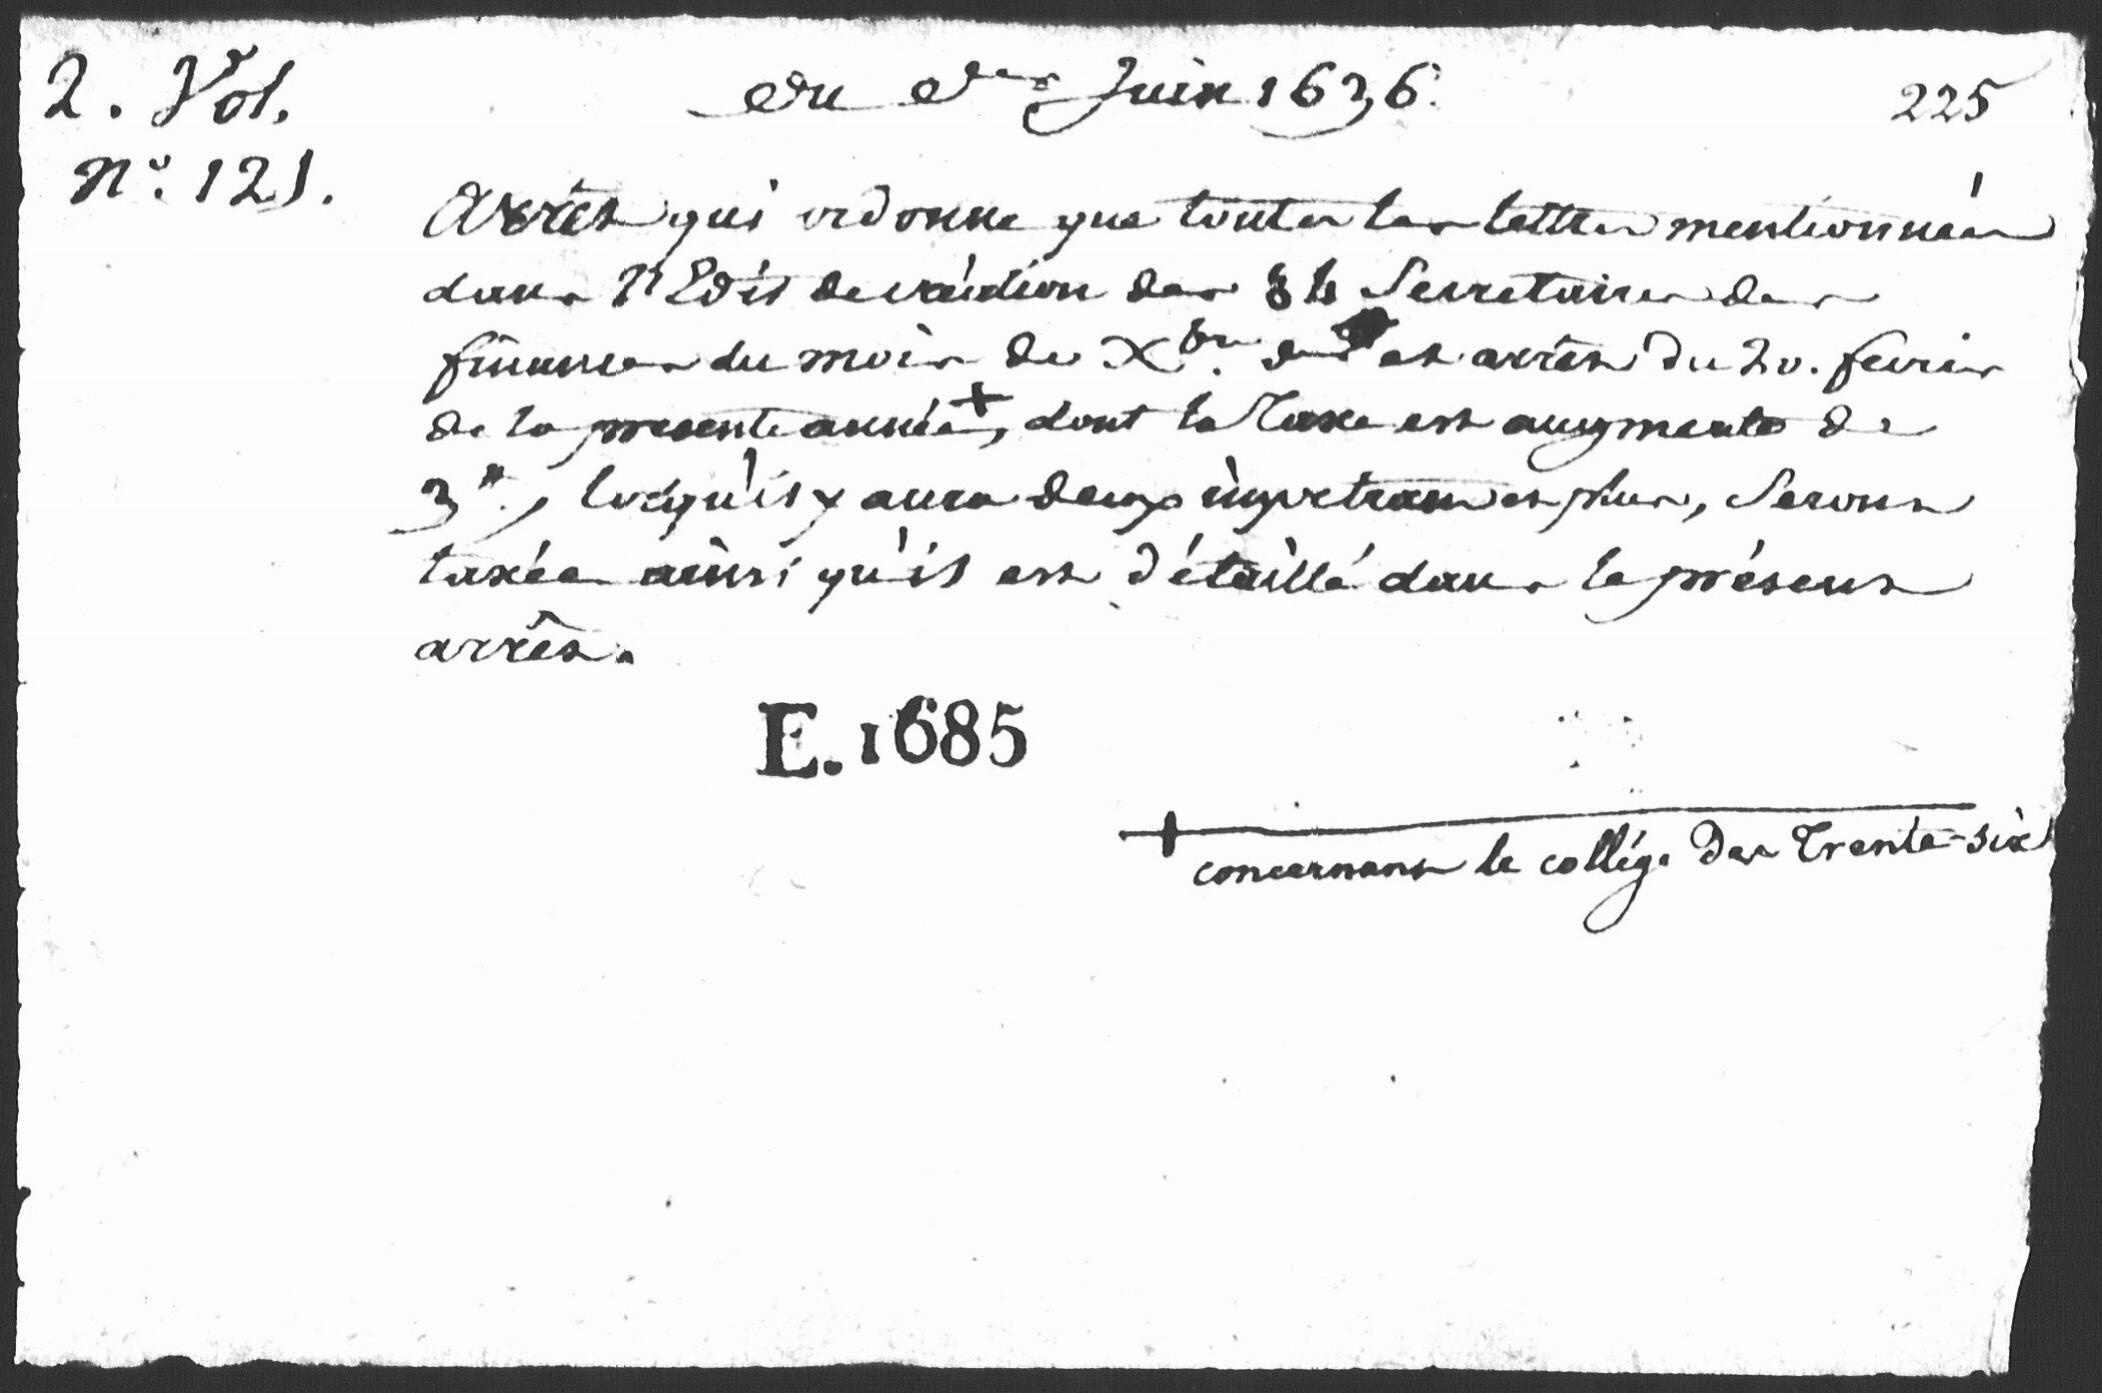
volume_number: n°121
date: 30 juin 1636
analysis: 225
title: Arrêt qui ordonne que toutes les lettres mentionnées dans l'Edit de création des 84 secretaires des finances du mois de X.bre der et arrêts du 20 fevrier de la presente année concernant le collège des Trente-six, dont la taxe est augmente de 3 #, lorsqu'il y aura deux impetrans et plus, seront taxées ainsi qu'il est détaillé dans le présent arrêt.
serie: E
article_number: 1685
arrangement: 2. vol.
